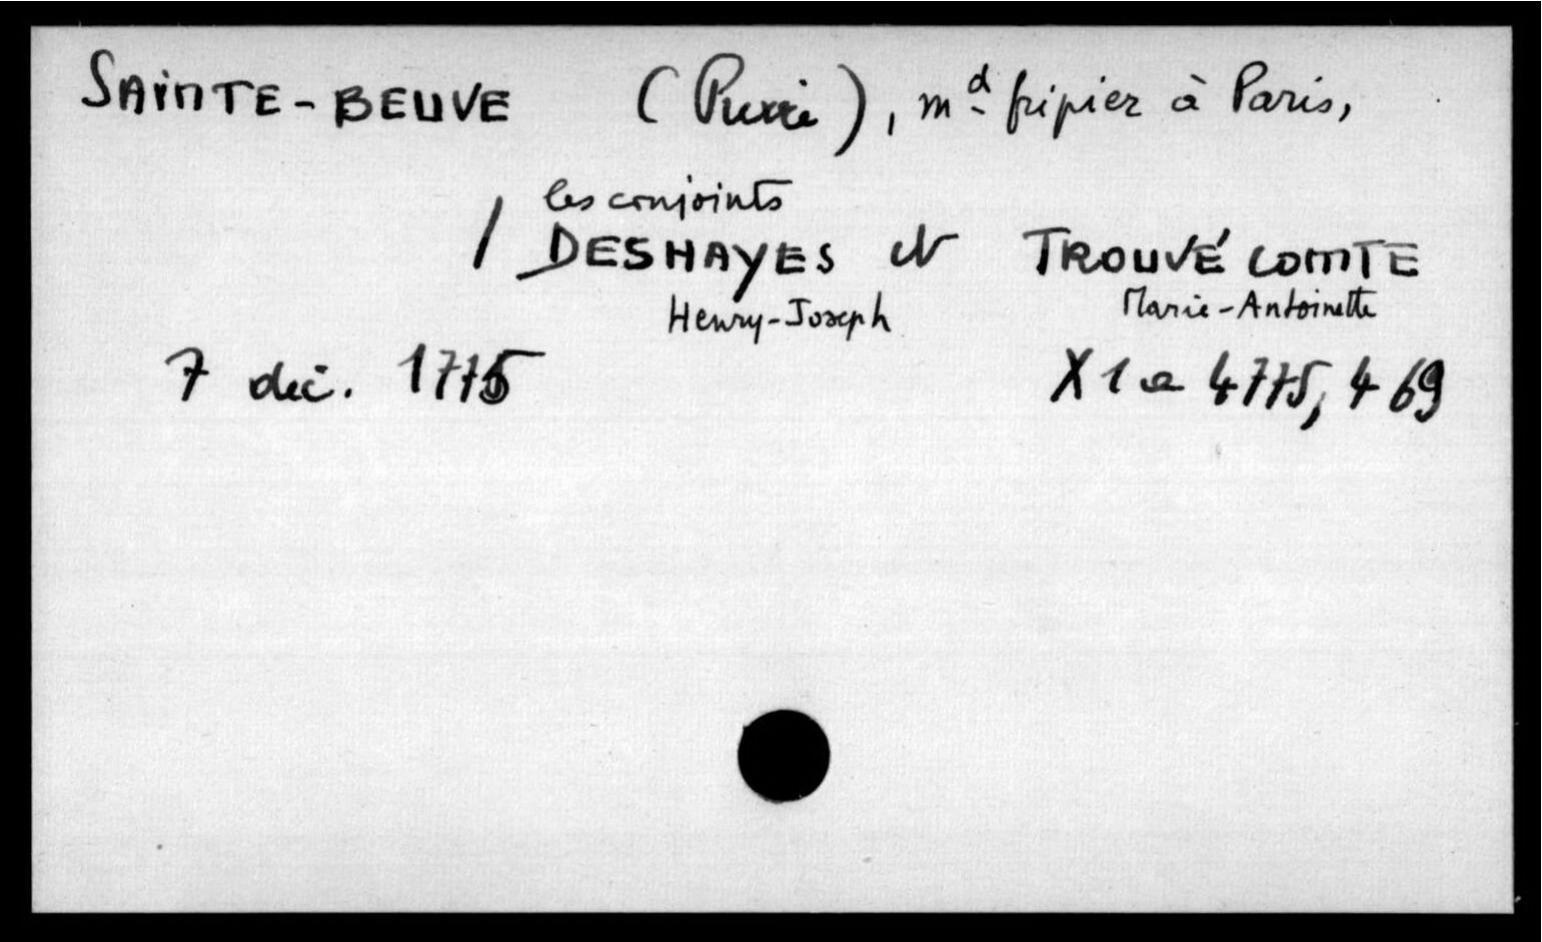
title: SAINTE-BEUVE (Pierre), marchand fripier à Paris.
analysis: Contre les conjoints DESHAYES Henry-Joseph et TROUVÉ COMTE Marie-Antoinette
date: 7 décembre 1775
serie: X1a
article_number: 4775
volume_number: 469
